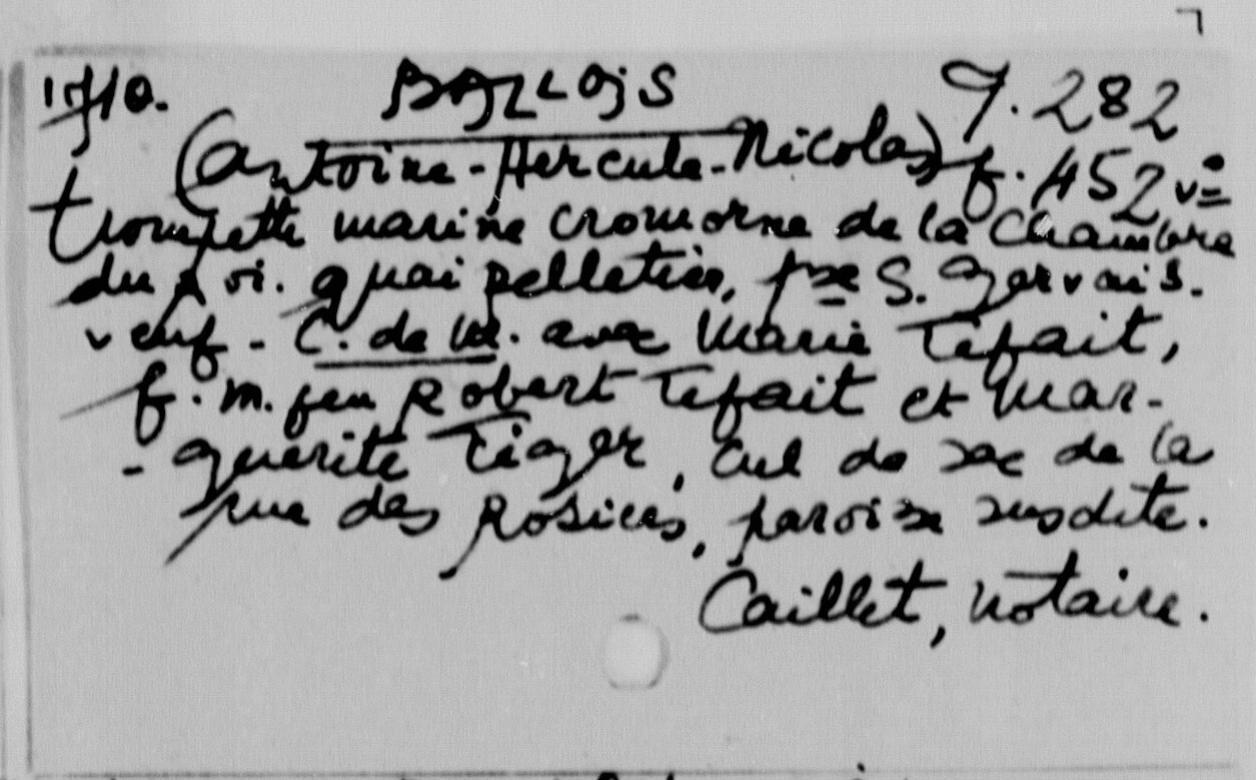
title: BALLOIS (Antoine-Hercule-Nicolas)
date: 1710
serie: Y
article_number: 282
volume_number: folio 452v
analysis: Trompette marine cromorne de la Chambre du roi. quai Pelletier, paroisse Saint-Gervais. Veuf. Contrat de mariage avec Marie LEFAIT, fille majeure feu Robert LEfait et Marguerite TIGER, cul de sac de la rue des Rosiers, paroisse Susdite, Caillet, notaire.
